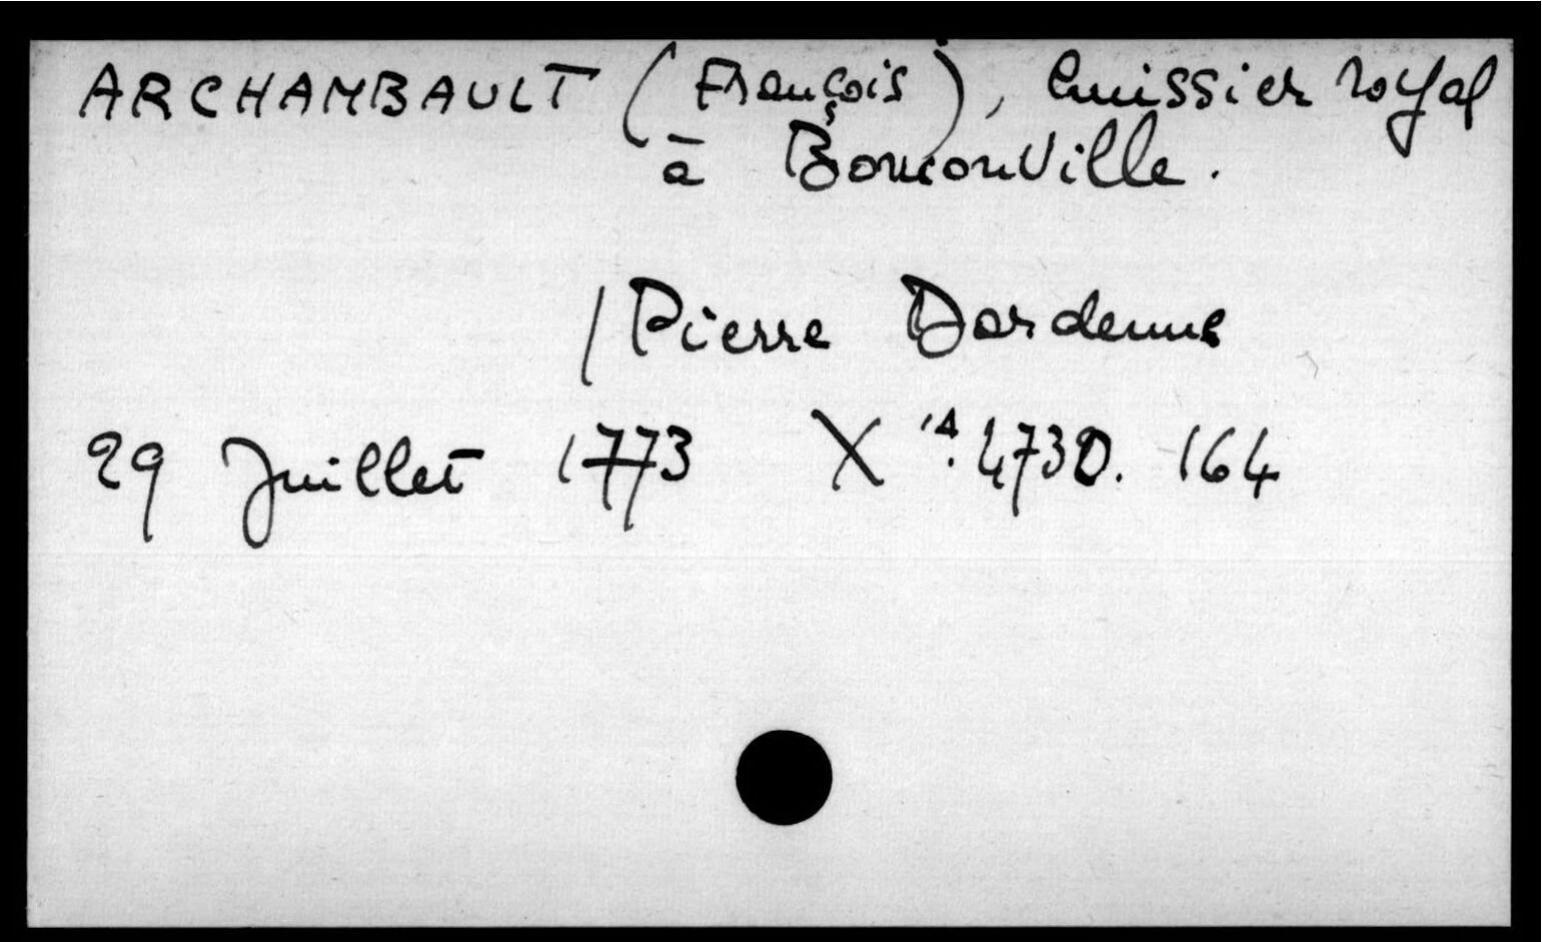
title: ARCHAMBAULT (François), huissier royal à Bouconville.
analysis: Contre Pierre Dardenne
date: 29 juillet 1773
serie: X1A
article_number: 4730
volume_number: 164
